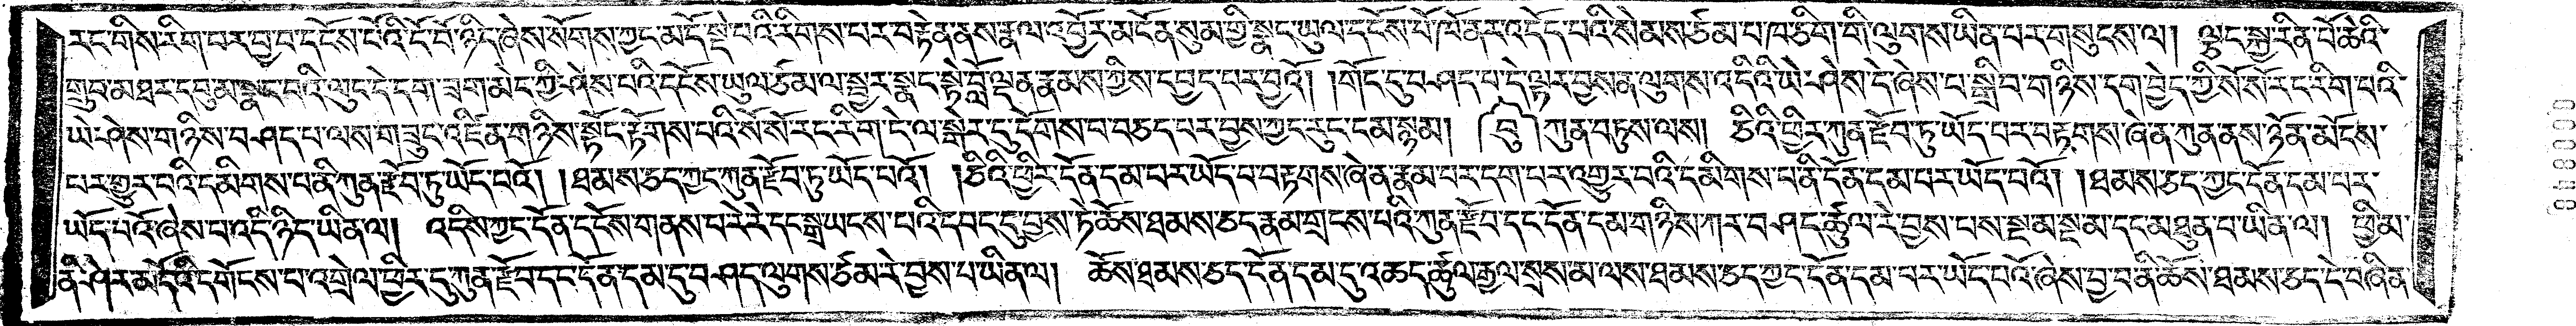རང་གིས་རིག་པར་བྱ་བ་དངོས་པོའི་ངོ་བོ་ཉིད་ཞེས་སོགས་ཀྱང་མདོ་སྡེ་པའི་རིགས་པར་བརྟེན་ནས་རྣལ་འབྱོར་མངོན་སུམ་གྱི་སྣང་ཡུལ་དངོས་པོ་ཁོ་ནར་འདོད་པའི་སེམས་ཙམ་པ་ཁ་ཅིག་གི་ལུགས་ཡིན་པར་གསུངས་ལ། ལྕང་སྐྱ་རིན་པོ་ཆེའི་
གྲུབ་མཐར་དབུ་མ་སྣང་བའི་ལུང་དེ་དག་ཟག་མེད་ཀྱི་ཤེས་པའི་དངོས་ཡུལ་ཙམ་ལ་སྦྱར་སྣང་སྟེ་བློ་ལྡན་རྣམས་ཀྱིས་དཔྱད་པར་བྱའོ། །གོང་དུ་བཤད་པ་དེ་ལྟར་བྱས་ན་ལུགས་འདིའི་ཡེ་ཤེས་དེ་ཞེས་པ་སྒྲིབ་གཉིས་དག་བྱེད་ཀྱི་སོ་སོ་རང་རིག་པའི་
ཡེ་ཤེས་གཉིས་བཤད་པ་ལས་གཟུང་འཛིན་གཉིས་སྟོང་རྟོགས་པའི་སོ་སོ་རང་རིག་དེ་ལ་སྒེར་དུ་དོགས་པ་བཅད་པར་བྱས་ཀྱང་རུང་ངམ་སྙམ། ༼བུ༽ ཀུན་བཏུས་ལས། ཅིའི་ཕྱིར་ཀུན་རྫོབ་ཏུ་ཡོད་པར་བརྟགས་ཞེ་ན་ཀུན་ནས་ཉོན་མོངས་
པར་གྱུར་བའི་དམིགས་པ་ནི་ཀུན་རྫོབ་ཏུ་ཡོད་པའོ། །ཐམས་ཅད་ཀྱང་ཀུན་རྫོབ་ཏུ་ཡོད་པའོ། །ཅིའི་ཕྱིར་དོན་དམ་པར་ཡོད་པ་བརྟགས་ཞེ་ན་རྣམ་པར་དག་པར་འགྱུར་བའི་དམིགས་པ་ནི་དོན་དམ་པར་ཡོད་པའོ། །ཐམས་ཅད་ཀྱང་དོན་དམ་པར་
ཡོད་པའོ་ཞེས་པ་འདི་ཉིད་ཡིན་ལ། འདིས་ཀྱང་དོན་དངོས་གནས་པ་རེ་རེ་དང་སྒྲ་ཡངས་པའི་དབང་དུ་བྱས་ཏེ་ཆོས་ཐམས་ཅད་རྣམ་གྲངས་པའི་ཀུན་རྫོབ་དང་དོན་དམ་གཉིས་ཀར་བཤད་ཚུལ་རེ་བྱས་པས་སྔ་མ་སྔ་མ་དང་མཐུན་པ་ཡིན་ལ། ཕྱི་མ་
ནི་ཤེར་མདོའི་དགོངས་པ་འགྲེལ་ཕྱིར་དུ་ཀུན་རྫོབ་དང་དོན་དམ་དུ་བཤད་ལུགས་ཙམ་རེ་བྱས་པ་ཡིན་ལ། ཆོས་ཐམས་ཅད་དོན་དམ་དུ་འཆད་ཚུལ་རྒྱལ་སྲས་མ་ལས་ཐམས་ཅད་ཀྱང་དོན་དམ་པར་ཡོད་པའོ་ཞེས་བྱ་བ་ནི་ཆོས་ཐམས་ཅད་དེ་བཞིན་